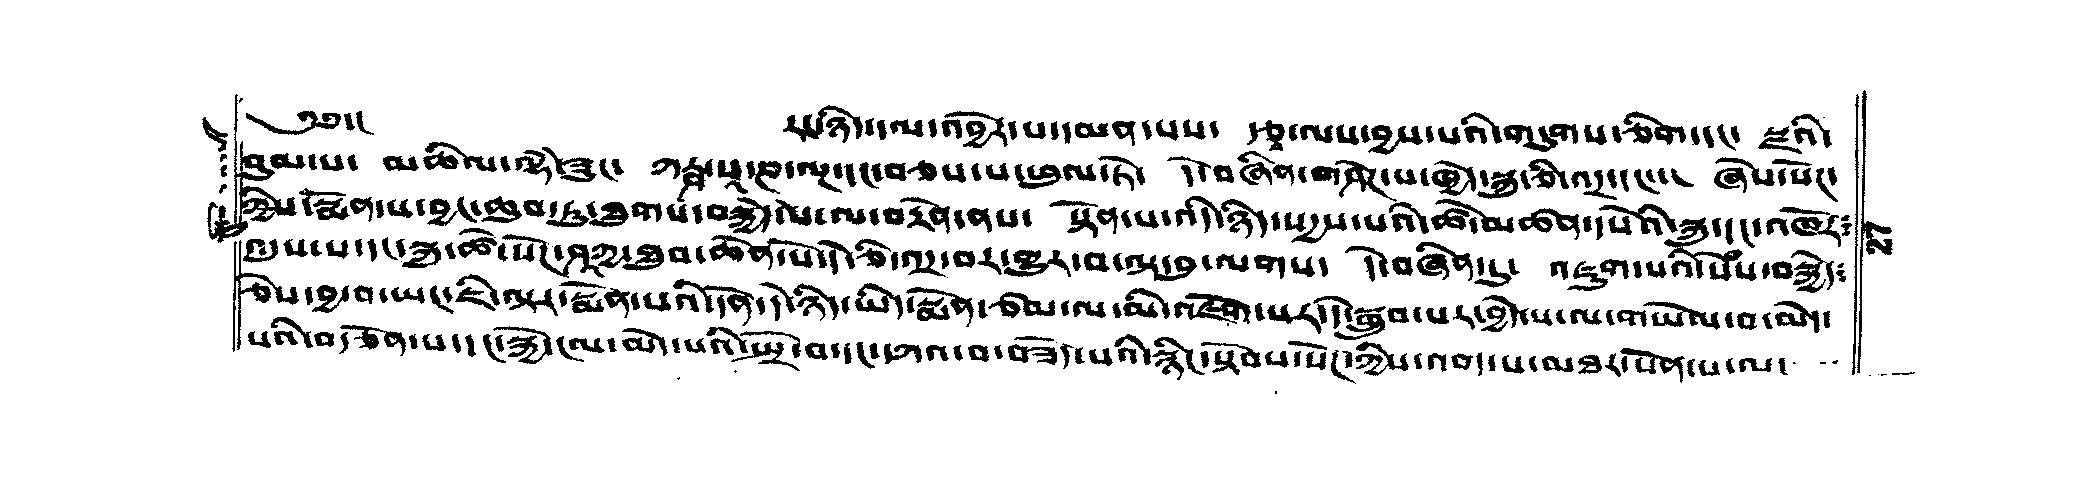རང་ཉིད་དལ་འབྱོར་པ་དམན་པས། རྩྭ་ལས་བྱས་པའི་གདུགས་ཅིག་དང་། རྫའི་
བུམ་པ། མཆིལ་ལྷམ་ཟུང་། ཀརྴ་སཱ་ཎ་ལྔ་དང་བཅས་པ་ཕུལ་ཏེ། དེ་བཞིན་གཤེགས་པ་ཁྱེད་སྐུ་ཅི་འདྲ་དང་། ཞེས་སོགས་
ཀྱིས་སྨོན་པ་བྱང་ཆུབ་ཏུ་ཐུགས་བསྐྱེད་པ་ལ་བརྟེན་ནས། སྟོན་པ་འདི་ཉིད་སངས་རྒྱས་པའི་ཚེ་མཚན་དཔེའི་སྐུ་དང་འཁོར་
འདུས་པ་དང་སྐུ་ཚེ་སོགས་ཤཱཀྱ་ཐུབ་ཆེན་པོ་དེ་ཅི་འདྲ་བར་གྱུར་བ་ལྟ་བུ་ལགས། དེ་བཞིན་དུ། འཇུག་པའི་སེམས་བསྐྱེད་
ཅེས་བྱ་བ་ཡང་ཇི་ལྟར་སྨོན་པའི་དོན་དེ་ཉིད་ཡིད་སྨོན་ཙམ་ལ་མི་འཇོག་པར་དེ་སྒྲུབ་པར་བྱེད་པ་ལ་གཡོལ་བ་མེད་
པའི་བརྩོན་པ་དང་སྐྱོ་ངལ་མེད་པའི་སྤྲོ་བ་དང་དཀའ་བ་བཟོད་པའི་སྙིང་སྟོབས་སོགས་ཀྱིས་འབད་པ་མཐར་སོན་པ་ལ་